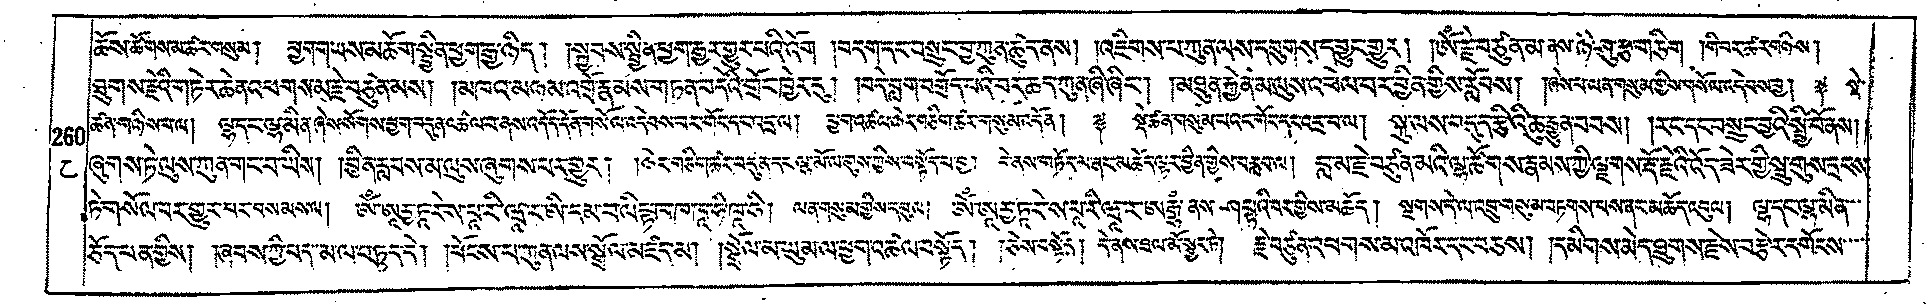ཆོས་ཚོགས་མ་ཚར་གསུམ།  ཕྱག་གཡས་མཆོག་སྦྱིན་ཕྱག་རྒྱ་ཉིད། །སྐྱབས་སྦྱིན་ཕྱག་རྒྱར་གྱུར་པའི་འོག །བདག་དང་བསྲུང་བྱ་ཀུན་ཚུད་ནས། །འཇིགས་པ་ཀུན་ལས་དབུགས་དབྱུང་གྱུར། །ཨོཾ་རྗེ་བཙུན་མ་ནས་ཉི་ཤུ་རྩ་གཅིག་།གི་བར་ཚར་གཉིས།
ཐུགས་རྗེའི་གཏེར་ཆེན་འཕགས་མ་རྗེ་བཙུན་མས། །མཁའ་མཉམ་འགྲོ་རྣམས་གཏན་བདེའི་གྲོང་ཁྱེར་དུ། །བདེ་བླག་བགྲོད་པའི་བར་ཆད་ཀུན་ཞི་ཞིང་། །མཐུན་རྐྱེན་མ་ལུས་འཕེལ་བར་བྱིན་གྱིས་རློབས། །ཞེས་པ་ལན་གསུམ་གྱིས་གསོལ་འདེབས་བྱ། འྶྡེ་
ཚན་གཉིས་པ་ལ། ལྷ་དང་ལྷ་མིན་ཞེས་སོགས་ཕྱག་བདུན་འཚལ་བ་ནས་འདོད་དོན་གསོལ་འདེབས་བར་གོང་དང་འདྲ་ལ། ཕྱག་འཚལ་ཉེར་གཅིག་ཚར་གསུམ་འདོན། འྶྡེ་ཚན་གསུམ་པའང་གོང་དང་འདྲ་བ་ལ།  སྐུ་ལས་བདུད་རྩིའི་ཆུ་རྒྱུན་བབས། །རང་དང་བསྲུང་བྱའི་སྤྱི་བོ་ནས། །
ཞུགས་ཏེ་ལུས་ཀུན་གང་བ་ཡིས། །བྱིན་རླབས་མ་ལུས་ཞུགས་པར་གྱུར། །ཉེར་གཅིག་ཚར་བདུན་དང་ལྷ་མོ་ལ་གུས་ཀྱིས་བསྟོད་པ་བྱ། དེ་ནས་གཏོར་མ་ནང་མཆོད་ལྟར་བྱིན་གྱིས་བརླབ་ལ།  བླ་མ་རྗེ་བཙུན་མའི་ལྷ་ཚོགས་རྣམས་ཀྱི་ལྗགས་རྡོ་རྗེའི་འོད་ཟེར་གྱི་སྦུ་གུས་དྲངས་
ཏེ་གསོལ་བར་གྱུར་པར་བསམས་ལ། ཨོཾ་ཨཱརྱ་ཏཱ་རེ་ས་པཱ་རི་ཝཱ་ར་ཨི་དམ་བ་ལིངྟ་ཁ་ཁ་ཁཱ་ཧི་ཁཱ་ཧི། ལན་གསུམ་གྱིས་དབུལ།  ཨོཾ་ཨཱརྱ་ཏཱ་རེ་ས་པཱ་རི་ཝཱ་ར་ཨརྒྷཾ་ནས་ཤཔྟའི་བར་གྱིས་མཆོད། སྔགས་དེ་ལ་འབྲུ་གསུམ་བཏགས་པས་ནང་མཆོད་འབུལ།  ལྷ་དང་ལྷ་མིན་་་
ཅོད་པ་ན་གྱིས། །ཞབས་ཀྱི་པད་མ་ལ་བཏུད་དེ། །ཕོངས་པ་ཀུན་ལས་སྒྲོལ་མཛད་མ། །སྒྲོལ་མ་ཡུམ་ལ་ཕྱག་འཚལ་བསྟོད། །ཅེས་བསྟོད། དེ་ནས་ཐལ་མོ་སྦྱར་ཏེ།  རྗེ་བཙུན་འཕགས་མ་འཁོར་དང་བཅས། །དམིགས་མེད་ཐུགས་རྗེས་བརྩེར་དགོངྶ་་་